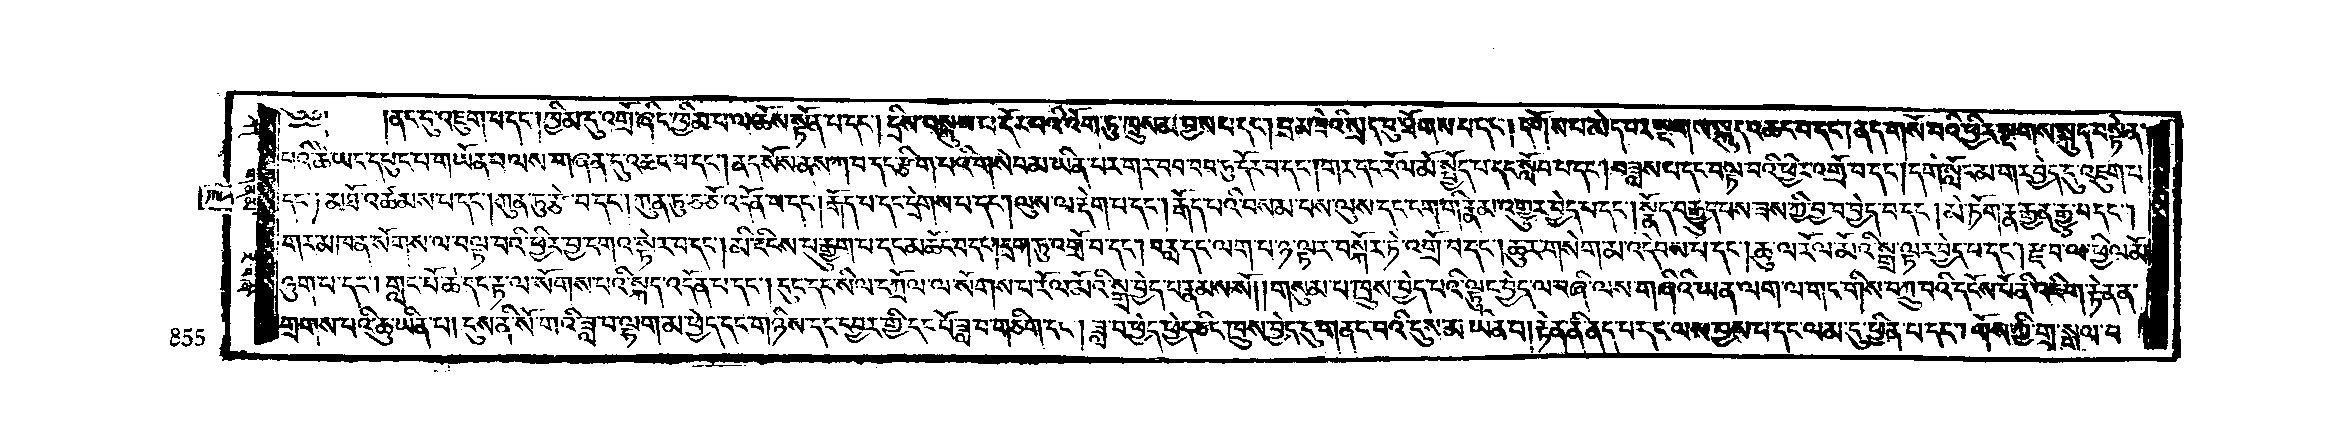༄༅། །ནང་དུ་འཇུག་པ་དང་། ཁྱིམ་དུ་འགྲོ་ཞིང་ཁྱིམ་པ་ལ་ཆོས་སྟོན་པ་དང་། དྲིས་བསྐུས་པ་དོར་བའི་འོག་ཏུ་ཁྲུས་མ་བྱས་པ་དང་། བྲམ་བྲེའི་སྲད་བུ་ཐོགས་པ་དང་། དགོས་པ་མེད་པར་སྔགས་སྐུད་འཆང་བ་དང་། ནད་གསོ་བའི་ཕྱིར་སྔགས་སྐུད་བསྟེན་
པའི་ཚེ་ཡང་དྥུང་པ་གཡོན་པ་ལས་གཞན་དུ་འཆང་བ་དང་། ནད་སོས་ནས་ཀ་བ་དང་རྩིག་པའི་གསེབ་མ་ཡིན་པར་གར་བབ་བབ་ཏུ་དོར་བ་དང་། གར་དང་རོལ་མོ་སྤྱོད་པ་དང་སློབ་པ་དང་། བཟླས་པ་དང་བལྟ་བའི་ཕྱིར་འགྲོ་བ་དང་། དགེ་སློང་མ་གར་བྱེད་དུ་འཇུག་པ་
དང༑ མཐོ་འཚམས་པ་དང་། ཀུན་ཏུ་རྩེ་བ་དང་། ཀུན་ཏུ་ཅ་ཅོ་འདོན་པ་དང་། རྒོད་པ་དང་དྲེགས་པ་དང་། ལུས་ལ་རྡེག་པ་དང་། རྒོད་པའི་བསམ་པས་ལུས་དང་ངག་གི་རྣམ་འགྱུར་བྱེད་པ་དང་། སྣོད་བརྒྱུད་པས་ཟས་ཀྱི་བྱ་བ་བྱེད་བ་དང་། མེ་ཏོག་རྣ་རྒྱན་རྒྱུ་པ་དང་།
གར་མཁན་སོགས་ལ་བལྟ་བའི་ཕྱིར་བྱ་དགའ་སྟེར་བ་དང་། མི་རྡིངས་པ་རྒྱུག་པ་དང་མཆོང་བ་དང་། དྲག་ཏུ་འགྲོ་བ་དང་། བརླ་དང་ལག་པ་ཉ་ལྟར་བསྐོར་ཏེ་འགྲོ་བ་དང་། ཆུར་གསེག་མ་འདེབས་པ་དང་། ཆུ་ལ་རོལ་མོའི་སྒྲ་ལྟར་བྱེད་པ་དང་། རྫབ་ལ་ཕྱིལ་མོ་
ཉུག་པ་དང་། གླང་པོ་ཆེ་དང་རྟ་ལ་སོགས་པའི་སྐད་འདོན་པ་དང་། དུང་དང་སིལ་དཀྲོལ་ལ་སོགས་པ་རོལ་མོའི་སྒྲ་བྱེད་པ་རྣམས་སོ། །གསུམ་པ་ཁྲུས་བྱེད་པའི་ལྟུང་བྱེད་ལ་བཞི་ལས་གཞིའི་ཡན་ལག་ལ་གང་གིས་བཀྲུ་བའི་དངོས་པོ་ནི་འཇིག་རྟེན་ན་
གྲགས་པའི་ཆུ་ཡིན་པ། དུས་ནི་སོ་གའི་ཟླ་བ་ལྷག་མ་ཕྱེད་དང་གཉིས་དང་དབྱར་གྱི་དང་པོ་ཟླ་བ་གཅིག་དང་། ཟླ་བ་ཕྱེད་ཕྱེད་ཅིང་ཁྲུས་བྱེད་དུ་གནང་བའི་དུས་མ་ཡིན་པ། རྟེན་ནི་ནད་པ་དང་ལས་བྱས་པ་དང་ལམ་དུ་ཕྱིན་པ་དང་། གོས་ཀྱི་གྲ་སྒལ་བ་